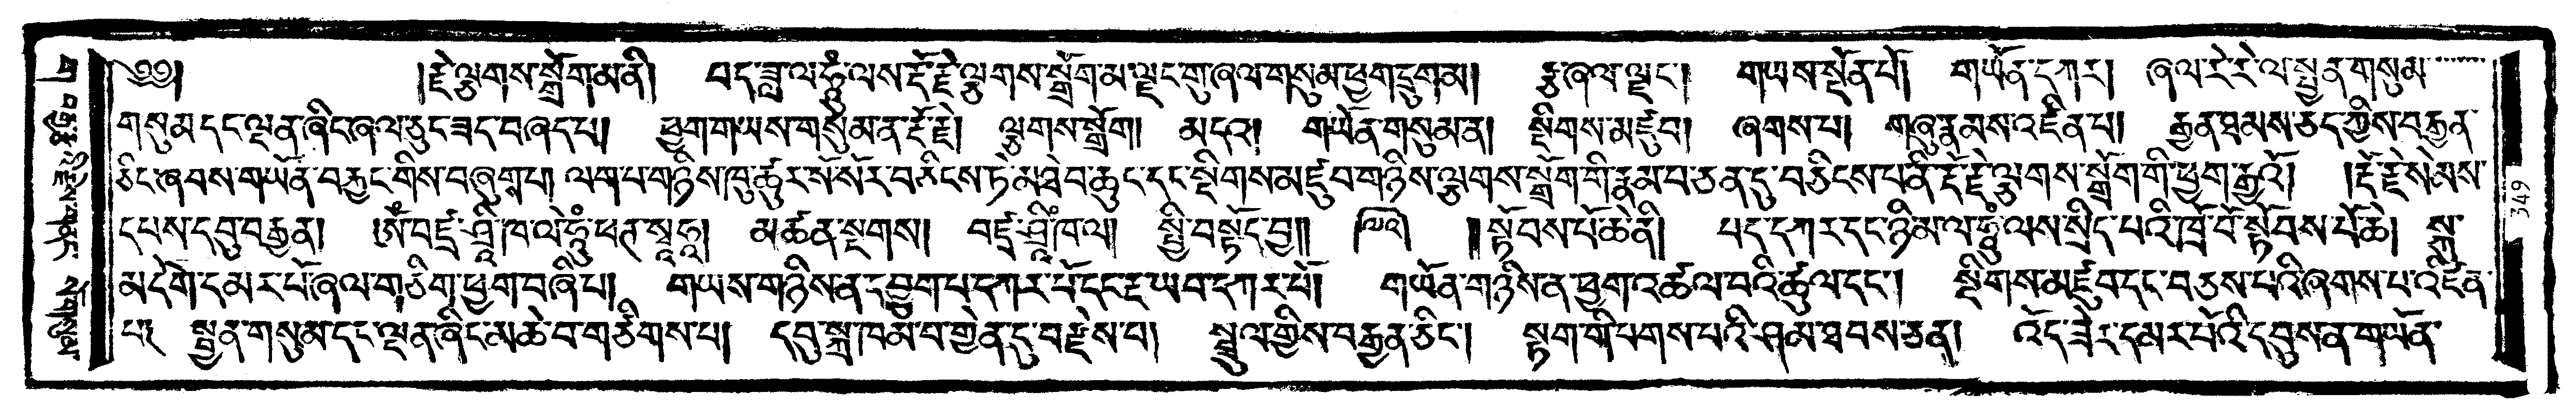༄༅། །རྗེ་ལྕགས་སྒྲོག་མ་ནི། པད་ཟླ་ལ་ཧཱུཾ་ལས་རྡོ་རྗེ་ལྕགས་སྒྲོག་མ་ལྗང་གུ་ཞལ་གསུམ་ཕྱག་དྲུག་མ། རྩ་ཞལ་ལྗང་། གཡས་སྔོན་པོ། གཡོན་དཀར། ཞལ་རེ་རེ་ལ་སྤྱན་གསུམ་
གསུམ་དང་ལྡན་ཞིང་ཞལ་ཅུང་ཟད་བཞད་པ། ཕྱག་གཡས་གསུམ་ན་རྡོ་རྗེ། ལྕགས་སྒྲོག། མདའ། གཡོན་གསུམ་ན། སྡིགས་མཛུབ། ཞགས་པ། གཞུ་རྣམས་འཛིན་པ། རྒྱན་ཐམས་ཅད་ཀྱིས་བརྒྱན་
ཅིང་ཞབས་གཡོན་བརྐྱང་གིས་བཞུགས་པ། ལག་པ་གཉིས་ཁུ་ཚུར་སོ་སོར་བཅིངས་ཏེ་མཐེབ་ཆུང་དང་སྡིགས་མཛུབ་གཉིས་ལྕགས་སྒྲོག་གི་རྣམ་པ་ཅན་དུ་བཅིངས་པ་ནི་རྡོ་རྗེ་ལྕགས་སྒྲོག་གི་ཕྱག་རྒྱའོ། །རྡོ་རྗེ་སེམས་
དཔས་དབུ་བརྒྱན། ཨོཾ་བཛྲ་ཤྲཱི་ཁ་ལེ་ཧཱུཾ་ཕཊ་སྭཱཧཱ། མཚན་སྔགས། བཛྲ་ཤྲཱིཾ་ཁ་ལ། སྤྱི་བསྟོད་བྱ།། ༧༢?་།།སྟོབས་པོ་ཆེ་ནི། པད་དཀར་དང་ཉི་མ་ལ་ཧཱུཾ་ལས་སྲིད་པའི་ཁྲོ་བོ་སྟོབས་པོ་ཆེ། སྐུ་
མདོག་དམར་པོ་ཞལ་གཅིག་ཕྱག་བཞི་པ། གཡས་གཉིས་ན་དབྱུག་པ་དཀར་པོ་དང་རྔ་ཡབ་དཀར་པོ། གཡོན་གཉིས་ན་ཕྱག་འཚལ་བའི་ཚུལ་དང་། སྡིགས་མཛུབ་དང་བཅས་པའི་ཞགས་པ་འཛིན་
པ༑ སྤྱན་གསུམ་དང་ལྡན་ཞིང་མཆེ་བ་གཙིགས་པ། དབུ་སྐྲ་ཁམ་པ་གྱེན་དུ་བརྫེས་པ། སྦྲུལ་གྱིས་བརྒྱན་ཅིང་། སྟག་གི་པགས་པའི་ཤམ་ཐབས་ཅན། འོད་ཟེར་དམར་པོའི་དབུས་ན་གཡོན་